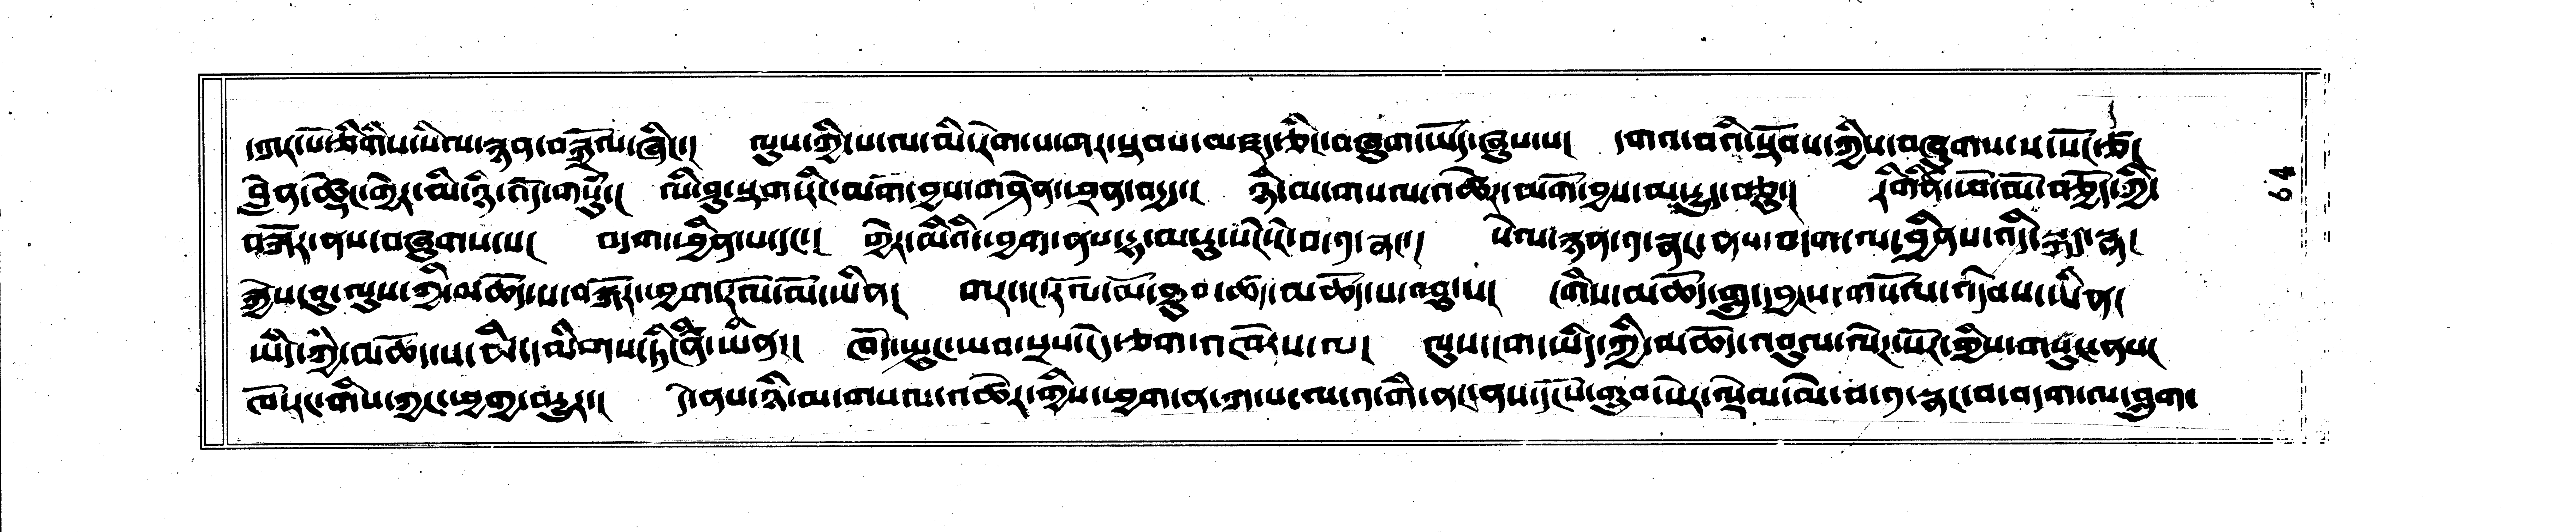དཀར་པོ་ཅིག་གིས་སིལ་སྙན་བསྐྲོལ་ཞིང་། ལུས་ཀྱིས་ས་ལ་མི་རེག་པ་གར་སྟབས་མཛད་ཅིང་བཞུགས་ཡོད་ཞུས་པ། དགའ་བའི་སྟོབས་ཀྱིས་བཞུགས་ས་སོང་ཙ། 
བླ་ཆེན་ཚེ་དབང་གྱེར་མི་ཉི་འོད་གསུམ། ལི་ཤུ་སྟག་རིང་འགོ་བྱས་གཤེན་ཕྲན་བརྒྱད། ཉི་མ་གསལ་འཚེར་འགོ་བྱས་མ་རྒྱུད་བཅུ། རིག་འཛིན་ཕོ་མོ་བཅོ་བརྒྱད་ཀྱི་
བསྐོར་ནས་བཞུགས་པ། བདག་ཕྱིན་པ་དང་། གྱེར་མིའི་ཕྱག་ནས་དྷ་མ་རུ་སེང་ངེ་བ་གཅིག་སྣང་། སིལ་སྙན་གཅིག་སྣང་ནས་བདག་ལ་བྱིན་ནས་འདི་སྐད་སྨྲ། 
སྐྱེས་བུ་ལུས་ཀྱི་མཆོད་པ་བསྐོར་ཕྱག་རོལ་མོ་ཡིན། གར་དང་རོལ་མོ་ཐུབ་ཚད་མཆོད་པ་འབུལ། ངག་གི་མཆོད་པ་གླུ་དབྱངས་གསོལ་འདེབས་ཡིན། 
ཡིད་ཀྱི་མཆོད་པ་མི་དམིགས་ཏིང་འཛིན་ཡིན། ཁོད་སྤུངས་ཡབ་སྲས་ངེད་ཅག་འཁོར་འདས་ལ། ལུས་ངག་ཡིད་ཀྱི་མཆོད་འབུལ་ལེགས་སོར་གྱིས་གསུངས་ནས། 
ཁོ་རང་གིས་ཀྱང་ཕྱག་རྒྱ་བསྒྱུར། དེ་ནས་ཉི་མ་གསལ་འཚེར་གྱིས་ཕྱག་ན་ཀ་པ་ལ་གཅིག་གི་ནང་ནས་དངོས་གྲུབ་སེར་ལྡེམ་མེ་བ་གཅིག་སྣང་བ་བདག་ལ་བླུགས་